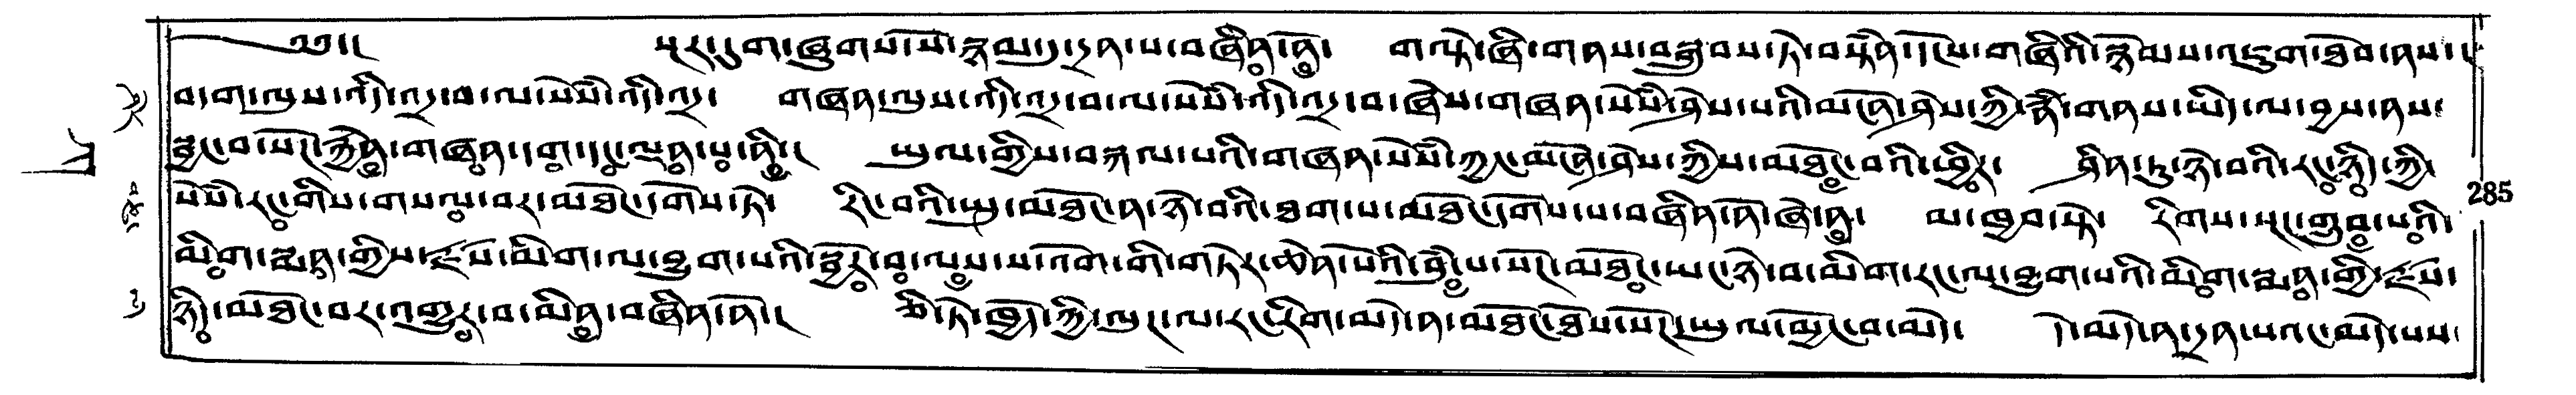སྔར་དུག་ཞུགས་སོ་སྙམ་དུ་དྲན་པ་བཞིན་ནོ། གལ་ཏེ་ཞི་གནས་བསྒྲུབས་ཏེ་བསམ་གཏན་དངོས་གཞིའི་སྙོམས་འཇུག་ཐོབ་ནས།
བདག་ལུས་འདི་འདྲ་བ་ལ་སེམས་འདི་འདྲ། གཞན་ལུས་འདི་འདྲ་བ་ལ་སེམས་འདི་འདྲ་བ་ཞེས་གཞན་སེམས་ཤེས་པའི་མངོན་ཤེས་ཀྱི་རྣམ་གནས་ཡིད་ལ་བྱས་ནས་
སྦྱང་བ་སོགས་རྐྱེན་གཞན་དག་དང་ལྡན་པ་ནི། ཡུལ་གྱིས་བསྐལ་པའི་གཞན་སེམས་ཀྱང་མངོན་ཤེས་ཀྱིས་མཐོང་བའི་ཕྱིར། ཤིན་ཏུ་ཉེ་བའི་རང་ཉིད་ཀྱི་
སེམས་རང་གིས་གསལ་བར་མཐོང་དགོས་ཏེ། རིང་བའི་སྤུ་མཐོང་ན་ཉེ་བའི་ཐག་པ་མཐོང་དགོས་པ་བཞིན་ནོ་ཞེ་ན། མ་ཁྱབ་སྟེ། རིགས་སྔགས་གྲུབ་པའི་
མིག་སྨན་གྱིས་རྫས་མིག་ལ་བྱུག་པའི་སྦྱོར་བ་ལས་ས་འོག་གི་གཏེར་ཆེན་པོའི་བུམ་པ་སོགས་མཐོང་ཡང་ཉེ་བ་མིག་རང་ལ་བྱུག་པའི་མིག་སྨན་གྱི་རྫས་
ཉིད་མཐོང་བར་འགྱུར་བ་མིན་བཞིན་ནོ། ཅི་ཏེ་ཁྱོད་ཀྱི་ལུགས་ལ་རང་རིག་མེད་ན་མཐོང་ཐོས་སོགས་ཡུལ་མྱོང་བ་མེད། དེ་མེད་ན་དྲན་པའང་མེད་པས་